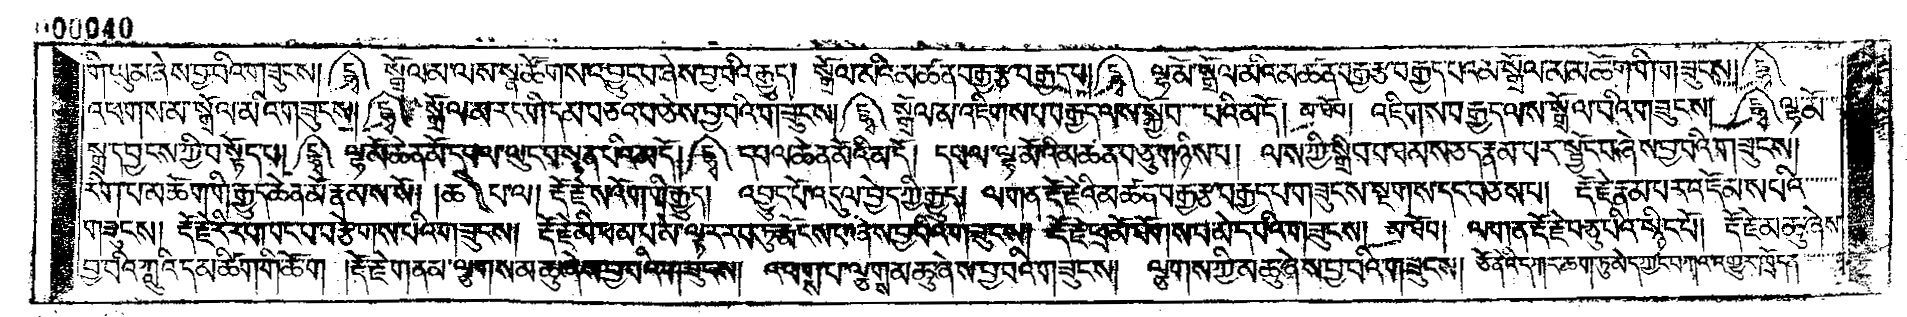གི་ཡུམ་ཞེས་བྱ་བའི་གཟུངས་༼དྷྭ༽་སྒྲོལ་མ་ལས་སྣ་ཚོགས་འབྱུང་བ་ཞེས་བྱ་བའི་རྒྱུད། སྒྲོལ་མའི་མཚན་བརྒྱ་རྩ་༼དྷྭ༽་བརྒྱུད་པ། ལྷ་མོ་སྒྲོལ་མའི་མཚན་བརྒྱ་རྩ་བརྒྱད་པའམ་སྒྲོལ་མ་མཆོག་གི་གཟུངས་༼དྷྭ༽
འཕགས་མ་སྒྲོལ་མའི་གཟུངས་༼དྷྭ༽་སྒྲོལ་མ་རང་གི་དམ་བཅའ་བ་ཅེས་བྱ་བའི་གཟུངས་༼དྷྭ༽་སྒྲོལ་མ་འཇིགས་པ་བརྒྱད་ལས་སྐྱོབ་པའི་མདོ་མ་ཐོབ།  འཇིགས་བརྒྱད་ལས་སྒྲོལ་བའི་གཟུངས་༼དྷྭ༽་ལྷ་མོ་
སྒྲ་དབྱངས་ཀྱི་བསྟོད་པ། ༼དྷྭ༽ ལྷ་མོ་ཆེན་མོ་དཔལ་ལུང་བསྟན་པའི་མདོ། ༼དྷྭ༽ དཔལ་ཆེན་མོའི་མདོ། དཔལ་ལྷ་མོའི་མཚན་བཅུ་གཉིས་པ། ལས་ཀྱི་སྒྲིབ་པ་ཐམས་ཅད་རྣམ་པར་སྦྱོང་བ་ཞེས་བྱ་བའི་གཟུངས།
རིག་པ་མཆོག་གི་རྒྱུད་ཆེན་མོ་རྣམས་སོ། །ཆ༼༽ པ་ལ། རྡོ་རྗེ་ས་འོག་གི་རྒྱུད། འབྱུང་པོ་འདུལ་བྱེད་ཀྱི་རྒྱུད། ལག་ན་རྡོ་རྗེའི་མཚན་བརྒྱ་རྩ་བརྒྱད་པ་གཟུངས་སྔགས་དང་བཅས་པ། རྡོ་རྗེ་རྣམ་པར་འཇོམས་པའི་
གཟུངས། རྡོ་རྗེ་རི་རབ་ཁང་བ་བརྩེགས་པའི་གཟུངས། རྡོ་རྗེ་མི་ཕམ་པ་མེ་ལྟར་རབ་ཏུ་རྨོངས་པ་ཞེས་བྱ་བའི་གཟུངས། རྡོ་རྗེ་ཕྲ་མོ་ཐོགས་པ་མེད་པའི་གཟུངས་མ་ཐོབ།  ལག་ན་རྡོ་རྗེ་བཅུ་པའི་སྙིང་པོ། རྡོ་རྗེ་མ་ཆུ་ཞེས་
བྱ་བའི་ཀླུའི་དམ་ཚིག་གི་ཆོ་ག །རྡོ་རྗེ་གནམ་ལྕགས་མ་ཆུ་ཞེས་བྱ་བའི་གཟུངས། འཕགས་པ་ལྕགས་མཆུ་ཞེས་བྱ་བའི་གཟུངས། ལྕགས་ཀྱི་མཆུ་ཞེས་བྱ་བའི་གཟུངས། ཅོ་ནེའི་དཀར་ཆག་ཏུ་མེད་ཀྱང་བཀའ་འགྱུར་ཁྲོད་ན་